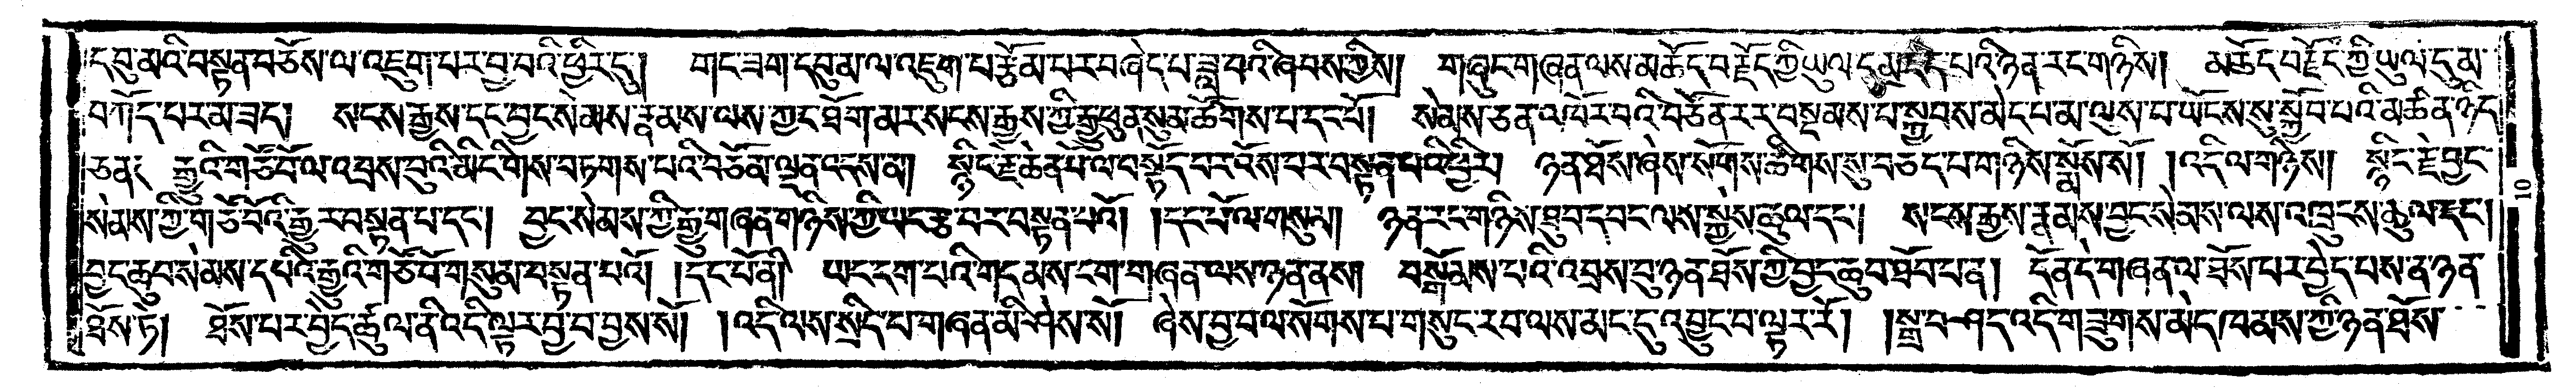དབུ་མའི་བསྟན་བཅོས་ལ་འཇུག་པར་བྱ་བའི་ཕྱིར་དུ། གང་ཟག་དབུ་མ་ལ་འཇུག་པ་རྩོམ་པར་བཞེད་པ་ཟླ་བའི་ཞབས་ཀྱིས། གཞུང་གཞན་ལས་མཆོད་བརྗོད་ཀྱི་ཡུལ་དུ་མཛད་པའི་ཉན་རང་གཉིས། མཆོད་བརྗོད་ཀྱི་ཡུལ་དུ་མ་
བཀོད་པར་མ་ཟད། སངས་རྒྱས་དང་བྱང་སེམས་རྣམས་ལས་ཀྱང་ཐོག་མར་སངས་རྒྱས་ཀྱི་རྒྱུ་ཕུན་སུམ་ཚོགས་པ་དང་པོ། སེམས་ཅན་འཁོར་བའི་བཙོན་རར་བསྡམས་པ་སྐྱབས་མེད་པ་མ་ལུས་པ་ཡོངས་སུ་སྐྱོབ་པའི་མཚན་ཉིད་
ཅན༑ རྒྱུའི་གཙོ་བོ་ལ་འབྲས་བུའི་མིང་གིས་བཏགས་པའི་བཅོམ་ལྡན་འདས་མ། སྙིང་རྗེ་ཆེན་པོ་ལ་བསྟོད་བར་འོས་པར་བསྟན་པའི་ཕྱིར། ཉན་ཐོས་ཞེས་སོགས་ཚིགས་སུ་བཅད་པ་གཉིས་སྨོས་སོ། །འདི་ལ་གཉིས། སྙིང་རྗེ་བྱང་
སེམས་ཀྱི་གཙོ་བོའི་རྒྱུར་བསྟན་པ་དང་། བྱང་སེམས་ཀྱི་རྒྱུ་གཞན་གཉིས་ཀྱི་ཡང་རྩ་བར་བསྟན་པའོ། །དང་པོ་ལ་གསུམ། ཉན་རང་གཉིས་ཐུབ་དབང་ལས་སྐྱེས་ཚུལ་དང་། སངས་རྒྱས་རྣམས་བྱང་སེམས་ལས་འཁྲུངས་ཚུལ་དང་།
བྱང་ཆུབ་སེམས་དཔའི་རྒྱུའི་གཙོ་བོ་གསུམ་བསྟན་པའོ། །དང་པོ་ནི། ཡང་དག་པའི་གདམས་ངག་གཞན་ལས་ཉན་ནས། བསྒོམས་པའི་འབྲས་བུ་ཉན་ཐོས་ཀྱི་བྱང་ཆུབ་ཐོབ་པ་ན། དོན་དེ་གཞན་ལ་ཐོས་པར་བྱེད་པས་ན་ཉན་
ཐོས་ཏེ། ཐོས་པར་བྱེད་ཚུལ་ནི་འདི་ལྟར་བྱ་བ་བྱས་སོ། །འདི་ལས་སྲིད་པ་གཞན་མི་ཤེས་སོ། ཞེས་བྱ་བ་ལ་སོགས་པ་གསུང་རབ་ལས་མང་དུ་འབྱུང་བ་ལྟར་རོ། །སྒྲ་བཤད་འདི་གཟུགས་མེད་ཁམས་ཀྱི་ཉན་ཐོས་